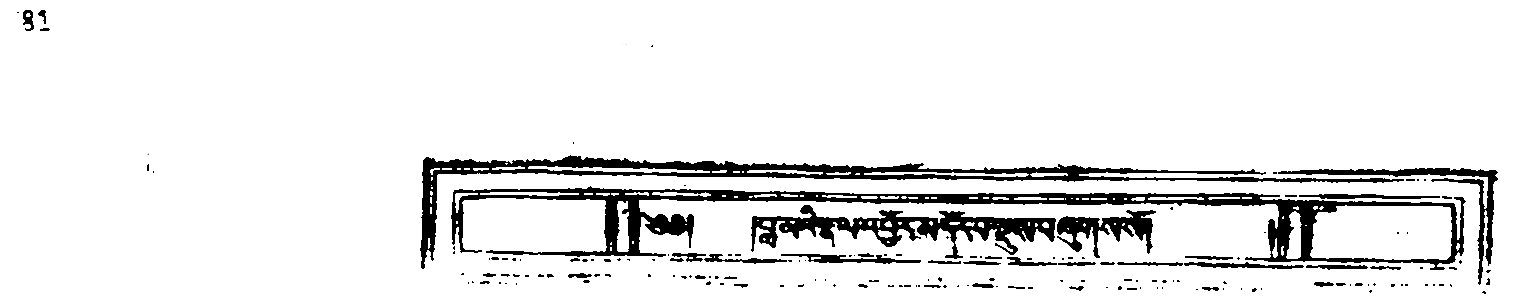༄༅། །བླ་མའི་རྣལ་འབྱོར་མདོར་བསྡུས་བཞུགས་སོ། །